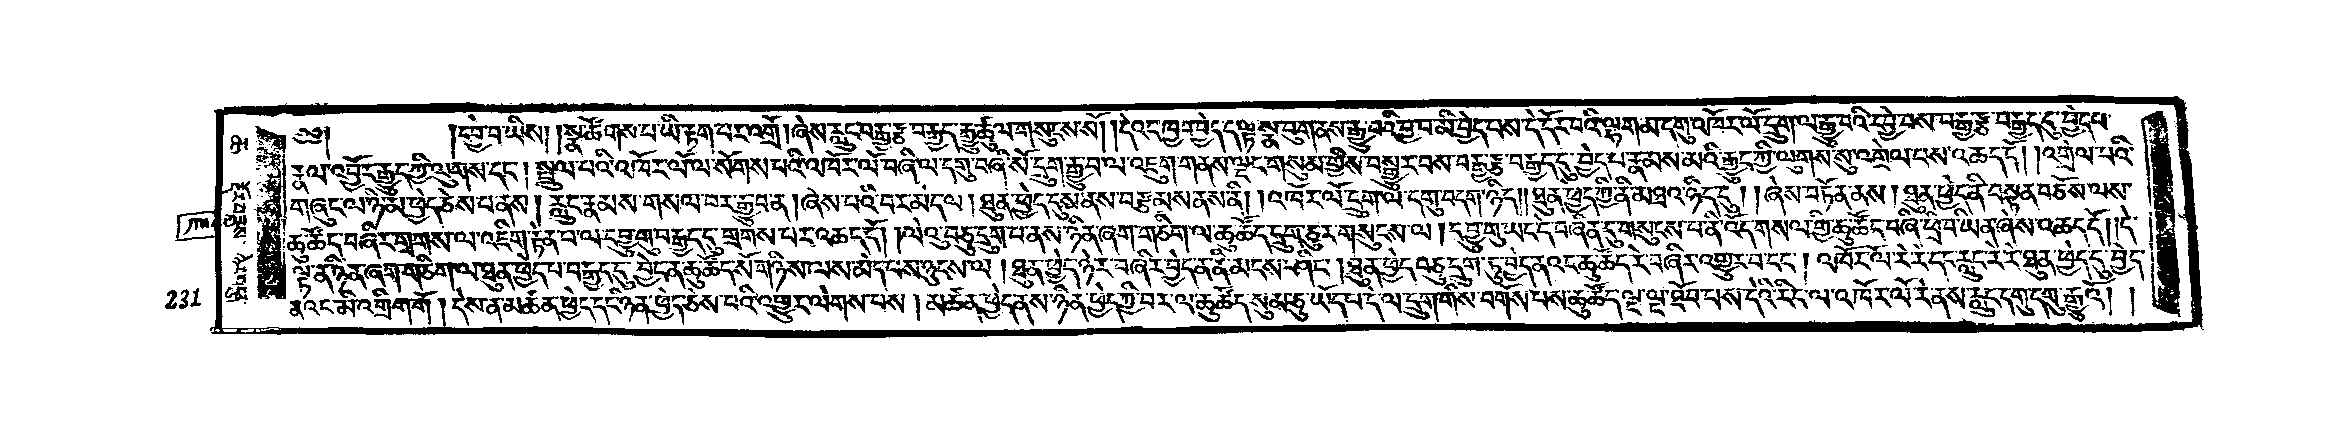༄༅། །དབྱེ་བ་ཡིས། །སྣ་ཚོགས་པ་ཡི་རྟག་པར་འགྲོ། ཞེས་རླུང་བརྒྱ་རྩ་བརྒྱད་རྒྱུ་ཚུལ་གསུངས་སོ། །དེའང་ཁྱབ་བྱེད་ད་ལྟ་སྣ་བུག་ནས་རྒྱུ་བའི་བྱ་བ་མི་བྱེད་པས་དེ་དོར་བའི་ལྷག་མ་དགུ་འཁོར་ལོ་དྲུག་ལ་རྒྱུ་བའི་དབྱེ་བས་བརྒྱ་རྩ་བརྒྱད་དུ་བྱེད་པ་
རྣལ་འབྱོར་རྒྱུད་ཀྱི་ལུགས་དང་། སྤྲུལ་པའི་འཁོར་ལོ་ལ་སོགས་པའི་འཁོར་ལོ་བཞི་ལ་དགུ་བཞི་སོ་དྲུག་རྒྱུ་བ་ལ་འཇུག་གནས་ལྡང་གསུམ་གྱིས་བསྒྱུར་བས་བརྒྱ་རྩ་བརྒྱད་དུ་བྱེད་པ་རྣམས་མའི་རྒྱུད་ཀྱི་ལུགས་སུ་འགྲེལ་པས་འཆད་དོ། །འགྲེལ་པའི་
གཞུང་ལ་ཉི་མ་ཕྱེད་ཅེས་པ་ནས། རླུང་རྣམས་གསལ་བར་རྒྱུ་བ་ན། ཞེས་པའི་བར་མེད་ལ། ཐུན་ཕྱེད་དུས་ནས་བརྩམས་ནས་ནི། །འཁོར་ལོ་དྲུག་ལ་དགུ་བདག་ཉིད། །ཐུན་ཕྱེད་ཀྱི་ནི་མཐའ་ཉིད་དུ། །ཞེས་བཏོན་ནས། ཐུན་ཕྱེད་ནི་བསྟན་བཅོས་ལས་
ཆུ་ཚོད་བཞིར་གྲགས་ལ་འཇིག་རྟེན་པ་ལ་དབྱུ་གུ་བརྒྱད་དུ་གྲགས་པར་འཆད་དོ། །ལེའུ་བཅུ་དྲུག་པ་ནས་ཉིན་ཞག་གཅིག་ལ་ཆུ་ཚོད་དྲུག་ཅུར་གསུངས་ལ། དབྱུ་གུ་ཡང་དེ་བཞིན་དུ་གསུངས་པ་ནི་འོད་གསལ་གྱི་ཆུ་ཚོད་བཞི་ཕྲི་བ་ཡིན་ཞེས་འཆད་དོ། །དེ་
ལྟ་ན་ཉིན་ཞག་གཅིག་ལ་ཐུན་ཕྱེད་པ་བརྒྱད་དུ་བྱེད་ན་ཆུ་ཚོད་སོ་གཉིས་ལས་མེད་པས་ཉུངས་ལ། ཐུན་ཕྱེད་ཉེར་བཞིར་བྱེད་ན་ནི་མངས་ཤིང་། ཐུན་ཕྱེད་བཅུ་དྲུག་ཏུ་བྱེད་ནའང་ཆུ་ཚོད་རེ་བཞིར་འགྱུར་བ་དང་། འཁོར་ལོ་རེ་རེ་དང་རླུང་རེ་རེ་ཐུན་ཕྱེད་དུ་བྱེད་
ནའང་མི་འགྲིག་གོ །དེས་ན་མཚན་ཕྱེད་དང་ཉིན་ཕྱེད་ཅེས་པའི་འགྱུར་ལེགས་པས། མཚན་ཕྱེད་ནས་ཉིན་ཕྱེད་ཀྱི་བར་ལ་ཆུ་ཚོད་སུམ་ཅུ་ཡོད་པ་དེ་ལ་དྲུག་གིས་བགོས་པས་ཆུ་ཚོད་ལྔ་ལྔ་ཐོབ་པས་དེའི་རིང་ལ་འཁོར་ལོ་རེ་ནས་རླུང་དགུ་དགུ་རྒྱུའོ། །